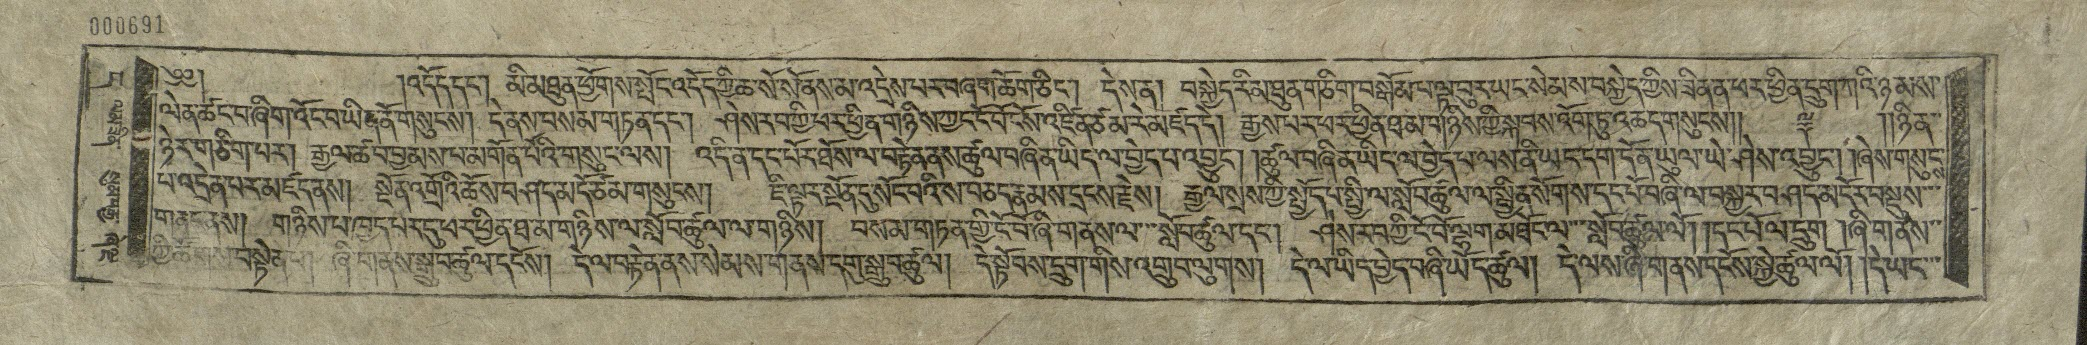༄༅། །འདོད་དང་། མི་མཐུན་ཕྱོགས་སྤོང་འདོད་ཀྱི་ཆ་སོ་སོ་ནས་མ་འདྲེས་པར་བཞག་ཆོག་ཅིང་། དེས་ན། བསྐྱེད་རིམ་ཐུན་གཅིག་བསྒོམ་པ་ལྟ་བུར་ཡང་སེམས་བསྐྱེད་ཀྱིས་ཟིན་ན་ཕར་ཕྱིན་དྲུག་ཀའི་ཉམས་
ལེན་ཚང་བ་ཞིག་འོང་བ་ཡིན་ནོ་གསུངས། དེ་ནས་བསམ་གཏན་དང་། ཤེས་རབ་ཀྱི་ཕར་ཕྱིན་གཉིས་ཀྱང་ངོ་བོ་ངོས་འཛིན་ཙམ་རེ་མཛད་དེ། རྒྱས་པར་ཕར་ཕྱིན་ཐ་མ་གཉིས་ཀྱི་སྐབས་འོག་ཏུ་འཆད་གསུངས།། ༈ །།ཉིན་
ཉེར་གཅིག་པར། རྒྱལ་ཚབ་བྱམས་པ་མགོན་པོའི་གསུང་ལས། འདི་ན་དང་པོར་ཐོས་ལ་བརྟེན་ནས་ཚུལ་བཞིན་ཡིད་ལ་བྱེད་པ་འབྱུང་། །ཚུལ་བཞིན་ཡིད་ལ་བྱེད་པ་ལས་ནི་ཡང་དག་དོན་ཡུལ་ཡེ་ཤེས་འབྱུང་། །ཞེས་གསུངས་
པ་འདྲེན་པར་མཛད་ནས། སྔོན་འགྲོའི་ཆོས་བཤད་མདོ་ཙམ་གསུངས། ཇི་ལྟར་སྔོན་དུ་སོང་བའི་ས་བཅད་རྣམས་དྲངས་རྗེས། རྒྱལ་སྲས་ཀྱི་སྤྱོད་པ་སྤྱི་ལ་སློབ་ཚུལ་ལ་སྦྱིན་སོགས་དང་པོ་བཞི་ལ་བསྐྱར་བཤད་མདོར་བསྡུས་
གནང་ནས། གཉིས་པ་ཁྱད་པར་དུ་ཕར་ཕྱིན་ཐ་མ་གཉིས་ལ་སློབ་ཚུལ་ལ་གཉིས། བསམ་གཏན་གྱི་ངོ་བོ་ཞི་གནས་ལ་སློབ་ཚུལ་དང་། ཤེས་རབ་ཀྱི་ངོ་བོ་ལྷག་མཐོང་ལ་སློབ་ཚུལ་ལོ། །དང་པོ་ལ་དྲུག །ཞི་གནས་
ཀྱི་ཚོགས་བསྟེན་པ། ཞི་གནས་སྒྲུབ་ཚུལ་དངོས། དེ་ལ་བརྟེན་ནས་སེམས་གནས་དགུ་སྒྲུབ་ཚུལ། དེ་སྟོབས་དྲུག་གིས་འགྲུབ་ལུགས། དེ་ལ་ཡིད་བྱེད་བཞི་ཡོད་ཚུལ། དེ་ལས་ཞི་གནས་དངོས་སྐྱེ་ཚུལ་ལོ། །དེ་ཡང་